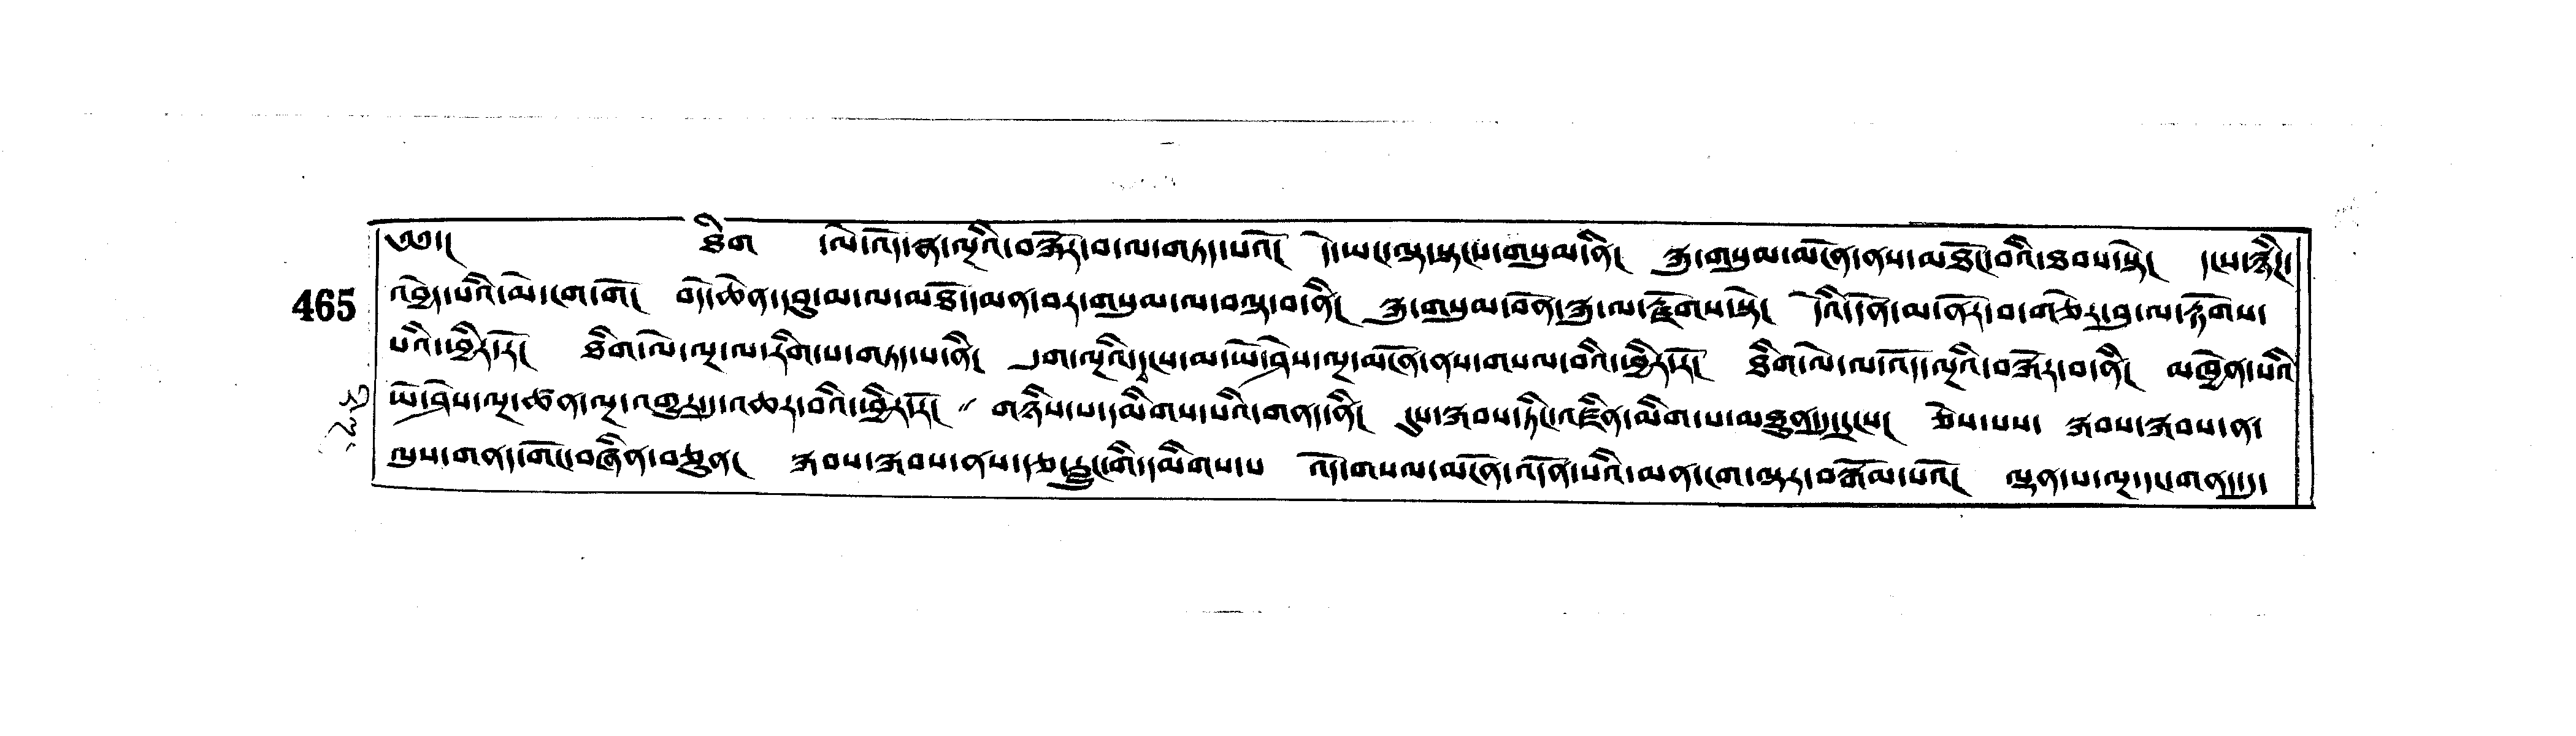ཐིག་ལེ་འོད་སྣ་ལྔ་ལ་བསྐོར་བ་ལ་གཏད་པའོ། དེ་ཡང་ལྟ་སྟངས་གསུམ་ནི། སྐུ་གསུམ་མངོན་ནས་མཐོང་བའི་ཐབས་སྟེ། དྭངས་སྙིགས་
འབྱེད་པའི་མན་ངག་གོ། བདེ་ཆེན་དབུ་མ་ལ་མཐོ་དམན་བར་གསུམ་ལ་ལྟ་བ་ནི། སྐུ་གསུམ་བོན་སྐུ་ལ་རྫོགས་ཏེ། དེའི་དོན་མ་ནོར་བ་གཅེར་བུ་ལ་རྟོགས་
པའི་ཕྱིར་རོ། ཐིག་ལེ་ལྔ་ལ་རིག་པ་གཏད་པ་ནི། དུག་ལྔའི་དྭངས་མ་ཡེ་ཤེས་ལྔ་མངོན་དུ་གསལ་བའི་ཕྱིར་རོ། ཐིག་ལེ་ལ་འོད་ལྔས་བསྐོར་བ་ནི། མཁྱེན་པའི་
ཡེ་ཤེས་ལྔ་ཚན་ལྔ་འགྱུར་དུ་འཆར་བའི་ཕྱིར་རོ། ༧ གཉིས་པ་དམིགས་པའི་གནད་ནི། དུས་སྐབས་ཏིང་འཛིན་དམིགས་པ་ཐུན་དུ་དྲངས། ཅེས་པས། སྐབས་སྐབས་ན་
ལུས་གནད་གོང་བཞིན་གཅུན། སྐབས་སྐབས་ནས་རྩ་རླུང་གི་དམིགས་པ། འོད་གསལ་མངོན་འདོན་པའི་མན་ངག་ལྟར་བསྒོམ་པའོ། ལྡན་པ་ལྔ་དང་གནད་དུ་